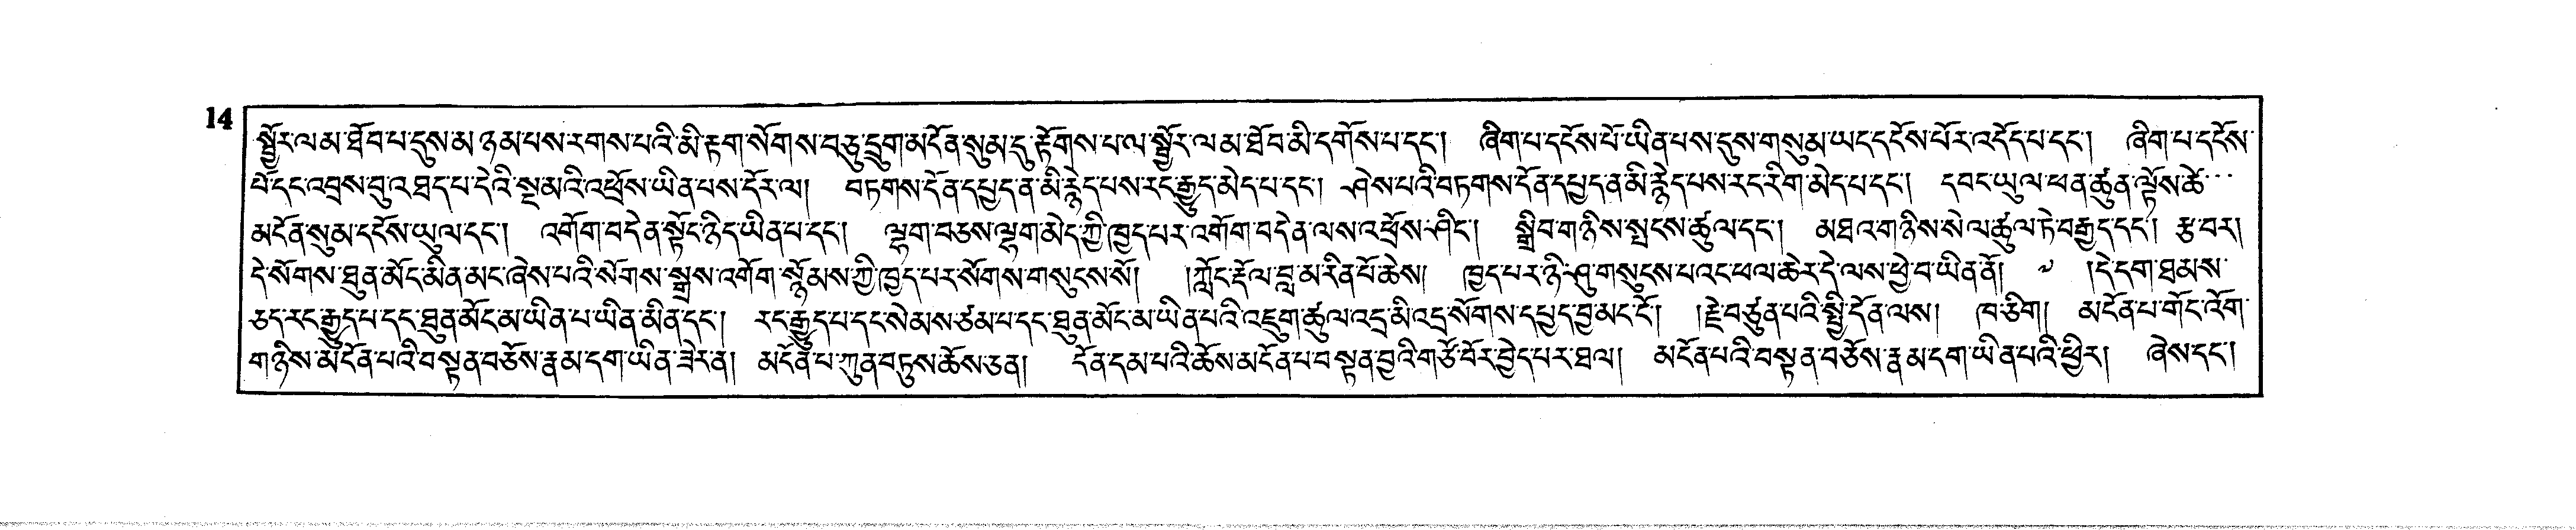སྦྱོར་ལམ་ཐོབ་པ་དུས་མཉམ་པས་རགས་པའི་མི་རྟག་སོགས་བཅུ་དྲུག་མངོན་སུམ་དུ་རྟོགས་པ་ལ་སྦྱོར་ལམ་ཐོབ་མི་དགོས་པ་དང་། ཞིག་པ་དངོས་པོ་ཡིན་པས་དུས་གསུམ་ཡང་དངོས་པོར་འདོད་པ་དང་། ཞིག་པ་དངོས་
པོ་དང་འབྲས་བུ་འཐད་པ་དེའི་སྔ་མའི་འཕྲོས་ཡིན་པས་དོར་ལ། བཏགས་དོན་དཔྱད་ན་མི་རྙེད་པས་རང་རྒྱུད་མེད་པ་དང་། ཤེས་པའི་བཏགས་དོན་དཔྱད་ན་མི་རྙེད་པས་རང་རིག་མེད་པ་དང་། དབང་ཡུལ་ཕན་ཚུན་ལྟོས་ཚེ་
མངོན་སུམ་དངོས་ཡུལ་དང་། འགོག་བདེན་སྟོང་ཉིད་ཡིན་པ་དང་། ལྷག་བཅས་ལྷག་མེད་ཀྱི་ཁྱད་པར་འགོག་བདེན་ལས་འཕྲོས་ཤིང་། སྒྲིབ་གཉིས་སྤངས་ཚུལ་དང་། མཐའ་གཉིས་སེལ་ཚུལ་ཏེ་བརྒྱད་དང་། རྩ་བར།
དེ་སོགས་ཐུན་མོང་མིན་མང་ཞེས་པའི་སོགས་སྒྲས་འགོག་སྙོམས་ཀྱི་ཁྱད་པར་སོགས་གསུངས་སོ། །ཀློང་རྡོལ་བླ་མ་རིན་པོ་ཆེས། ཁྱད་པར་ཉི་ཤུ་གསུངས་པའང་ཕལ་ཆེར་དེ་ལས་ཕྱེ་བ་ཡིན་ནོ། ༧་།དེ་དག་ཐམས་
ཅད་རང་རྒྱུད་པ་དང་ཐུན་མོང་མ་ཡིན་པ་ཡིན་མིན་དང་། རང་རྒྱུད་པ་དང་སེམས་ཙམ་པ་དང་ཐུན་མོང་མ་ཡིན་པའི་འཇུག་ཚུལ་འདྲ་མི་འདྲ་སོགས་དཔྱད་བྱ་མང་ངོ། །རྗེ་བཙུན་པའི་སྤྱི་དོན་ལས། ཁ་ཅིག། མངོན་པ་གོང་འོག་
གཉིས་མངོན་པའི་བསྟན་བཅོས་རྣམ་དག་ཡིན་ཟེར་ན། མངོན་པ་ཀུན་བཏུས་ཆོས་ཅན། དོན་དམ་པའི་ཆོས་མངོན་པ་བསྟན་བྱའི་གཙོ་བོར་བྱེད་པར་ཐལ། མངོན་པའི་བསྟན་བཅོས་རྣམ་དག་ཡིན་པའི་ཕྱིར། ཞེས་དང་།